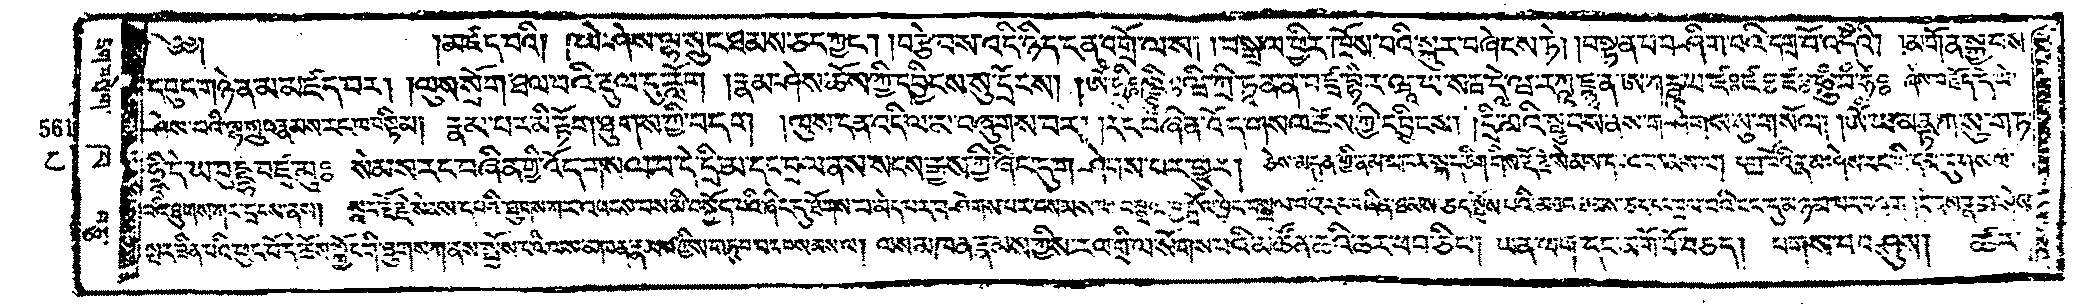༄༅། །མཛད་བའི། །ཡེ་ཤེས་ལྷ་སྲུང་ཐམས་ཅད་ཀྱང་། །བརྩེབས་འདི་ཉིད་ངན་འགྲོ་ལས། །བསྒྲལ་ཕྱིར་ཁྲོས་བའི་སྐུར་བཞེངས་ཏེ། །བསྟན་པ་བཤིག་པའི་དགྲ་བོ་འདིའི། །མགོན་སྐྱབས་
དབུང་གཉེན་མ་མཛད་པར། །ལུས་སྲོག་ཐལ་བའི་རྡུལ་དུ་རློག །རྣམ་ཤེས་ཆོས་ཀྱི་དབྱིངས་སུ་དྲོངས། །ཨོཾ་ཧྲཱིཿཥྜཱིཿཝི་ཀྲི་ཏཱ་ན་ན་བཛྲ་བྷཻ་ར་ཝཱ་ཡ་སརྦ་དེ་ཝ་རཀྵ་ཛྙཱ་ན་ཨ་ཀརྵ་ཡ་ཛཿ ཛཿ ཛཿ ཧཱུཾ་བཾ་ཧོཿ ཞེས་བརྗོད་དེ་ཡེ་
ཤེས་པའི་ལྷ་སྲུབ་རྣམས་རང་ལ་བསྟིམ། རྣམ་པར་མི་རྟོག་ཐུགས་ཀྱི་བདག །ལུས་ངན་འདི་ལ་མ་བཞུགས་བར། །རང་བཞིན་འོད་གསལ་ཆོས་ཀྱི་དབྱིངས། །དྲི་མའི་སྦུབས་ནས་གཤེགས་སུ་གསོལ། །ཨོཾ་ཡ་མནྟ་ཀ་སུ་ག་ཏ་
ཧྲཱི་དེ་ཡ་བུདྡྷ་བཛྲ་མུཿ སེམས་རང་བཞིན་གྱི་འོད་གསལ་བ་དེ་ཕྲིམ་དང་བྲལ་ནས་སངས་རྒྱས་ཀྱི་ཞིང་དུ་གཤེགས་པར་གྱུར། ཅེས་མདུན་གྱི་ནམ་མཁར་སྐད་ཅིག་གིས་རྡོ་རྗེ་སེམས་དཔའ་བསམས་ལ། དགྲ་བོའི་རྣམ་ཤེས་རང་ཡི་དམ་དུ་གསལ་
བའི་ཐུགས་ཀར་དྲངས་ནས། སླར་རྡོ་རྗེ་སེམས་དཔའི་ཐུགས་གར་འཕངས་པས་མི་བསྐྱོད་པའི་ཞིང་དུ་ཐོགས་པ་མེད་པར་གཤེགས་པར་བསམས་ལ། བསྒྲལ་བྱ་སྒྲོལ་བྱེད་བསྒྲལ་བའི་རང་བཞིན་ཐམས་ཅད་སྤྲོས་པའི་མཐའ་ཐམས་ཅད་དང་བྲལ་བའི་ངང་དུ་དུ་མཉམ་པར་བཤག། །དེ་ནས་རྣམ་ཤེས་
སྤར་ཟིན་པའི་ཕུང་པོ་དེ་ཆོས་སྐྱོང་གི་ཐུགས་ཀ་ནས་སྤྲོས་པའི་ལས་མཁན་རྣམས་ཀྱིས་གཏུབ་པར་བསམས་ལ། །ལས་མཁན་རྣམས་ཀྱིས་རལ་གྲི་ལ་སོགས་པའི་མཚོན་ཆའི་ཆར་ཕབ་ཅིང་། །ཡན་ལག་དང་མགོ་བོ་བཅད། །ཕགས་པ་བཤུས། ཚར་